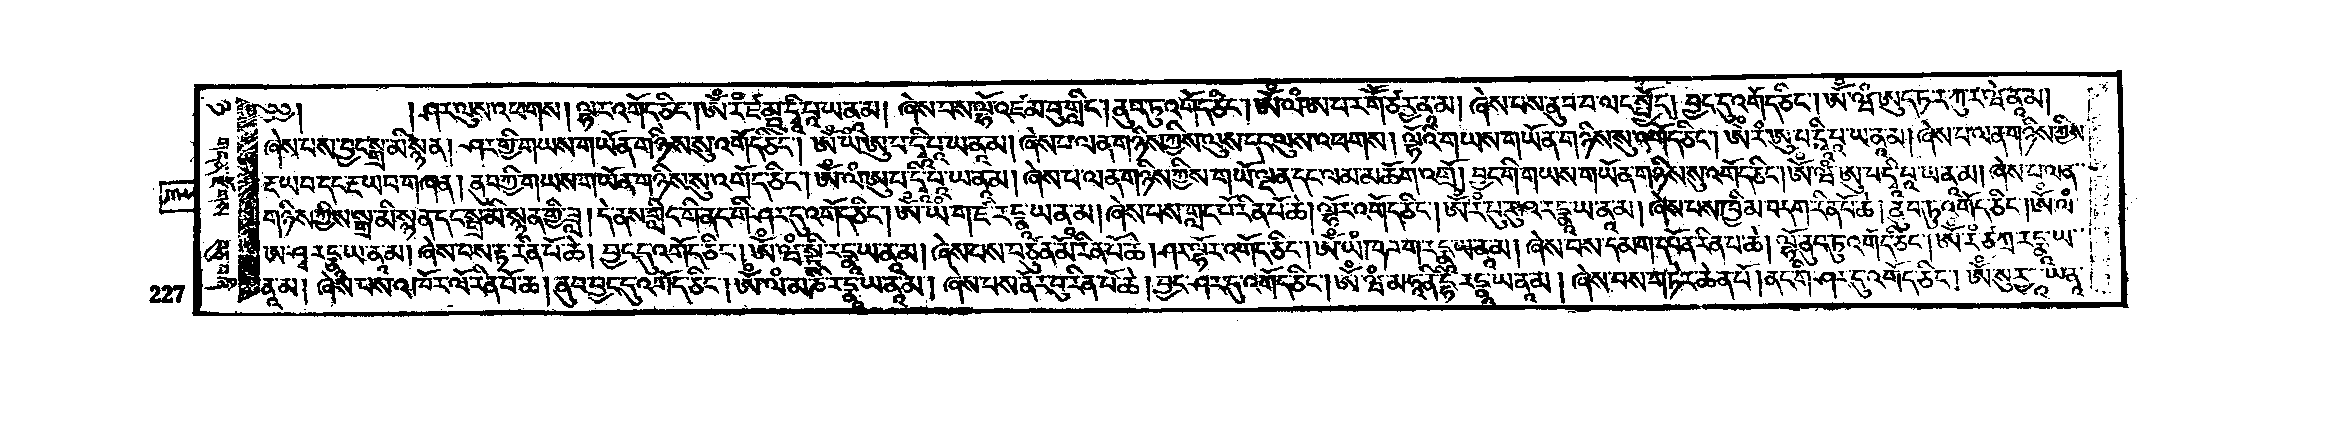༄༅། །ཤར་ལུས་འཕགས། ལྷར་འགོད་ཅིང་། ཨོཾ་རཾ་ཛམྦུ་དྭཱི་པཱ་ཡ་ནཱ་མ། ཞེས་པས་ལྷོ་འཛམ་བུ་གླིང་། ནུབ་ཏུ་འགོད་ཅིང་། ཨོཾ་ལཾ་ཨ་པ་ར་གཽ་ཙརྱ་ནཱ་མ། ཞེས་པས་ནུབ་བ་ལང་སྤྱོད། བྱང་དུ་འགོད་ཅིང་། ཨོཾ་ཝཾ་ཨུད་ཏ་ར་ཀུ་ར་ཝེ་ནཱ་མ།
ཞེས་པས་བྱང་སྒྲ་མི་སྙན། ཤར་གྱི་གཡས་གཡོན་གཉིས་སུ་འགོད་ཅིང་། ཨོཾ་ཡཾ་ཨུ་པ་དྭཱི་པཱ་ཡ་ནཱ་མ། ཞེས་པ་ལན་གཉིས་ཀྱིས་ལུས་དང་ལུས་འཕགས། ལྷོའི་གཡས་གཡོན་གཉིས་སུ་འགོད་ཅིང་། ཨོཾ་རཾ་ཨུ་པ་དྭཱི་པཱ་ཡ་ནཱ་མ། ཞེས་པ་ལན་གཉིས་ཀྱིས་
རྔ་ཡབ་དང་རྔ་ཡབ་གཞན། ནུབ་ཀྱི་གཡས་གཡོན་གཉིས་སུ་འགོད་ཅིང་། ཨོཾ་ལཾ་ཨུ་པ་དྭཱི་པཱ་ཡ་ནཱ་མ། ཞེས་པ་ལན་གཉིས་ཀྱིས་གཡོ་ལྡན་དང་ལམ་མཆོག་འགྲོ་།བྱང་གི་གཡས་གཡོན་གཉིས་སུ་འགོད་ཅིང་། ཨོཾ་ཝཾ་ཨུ་པ་དྭཱི་པཱ་ཡ་ནཱ་མ། ཞེས་པ་ལན་
གཉིས་ཀྱིས་སྒྲ་མི་སྙན་དང་སྒྲ་མི་སྙན་གྱི་ཟླ། དེ་ནས་གླིང་གི་ནང་གི་ཤར་དུ་འགོད་ཅིང་། ཨོཾ་ཡཾ་ག་ཛ་རདྣཱ་མ། ཞེས་པས་གླང་པོ་རིན་པོ་ཆེ། ལྷོར་འགོད་ཅིང་། ཨོཾ་རཾ་པུ་རུ་ཥ་རདྣཱ་ཡ་ནཱ་མ། ཞེས་པས་ཁྱིམ་བདག་རིན་པོ་ཆེ། ནུབ་ཏུ་འགོད་ཅིང་། ཨོཾ་ལཾ་
ཨ་ཤྭ་རདྣཱ་ཡ་ནཱ་མ། ཞེས་པས་རྟ་རིན་པོ་ཆེ། བྱང་དུ་འགོད་ཅིང་། ཨོཾ་ཝཾ་སྟི་རདྣཱ་ཡ་ནཱ་མ། ཞེས་པས་བཙུན་མོ་རིན་པོ་ཆེ། ཤར་ལྷོར་འགོད་ཅིང་། ཨོཾ་ཡཾ་ཁཌ་ག་རདྣཱ་ཡ་ནཱ་མ། ཞེས་པས་དམག་དཔོན་རིན་པོ་ཆེ། ལྷོ་ནུབ་ཏུ་འགོད་ཅིང་། ཨོཾ་རཾ་ཙ་ཀྲ་རདྣཱ་ཡ་
ནཱ་མ། ཞེས་པས་འཁོར་ལོ་རིན་པོ་ཆེ། ནུབ་བྱང་དུ་འགོད་ཅིང་། ཨོཾ་ལཾ་མ་ཎི་རདྣཱ་ཡ་ནཱ་མ། ཞེས་པས་ནོར་བུ་རིན་པོ་ཆེ། བྱང་ཤར་དུ་འགོད་ཅིང་། ཨོཾ་ཝཾ་མཧཱ་ནི་དྷི་རདྣཱ་ཡ་ནཱ་མ། ཞེས་པས་གཏེར་ཆེན་པོ། ནང་གི་ཤར་དུ་འགོད་ཅིང་། ཨོཾ་སུ་རྱ་ཡ་ནཱ་